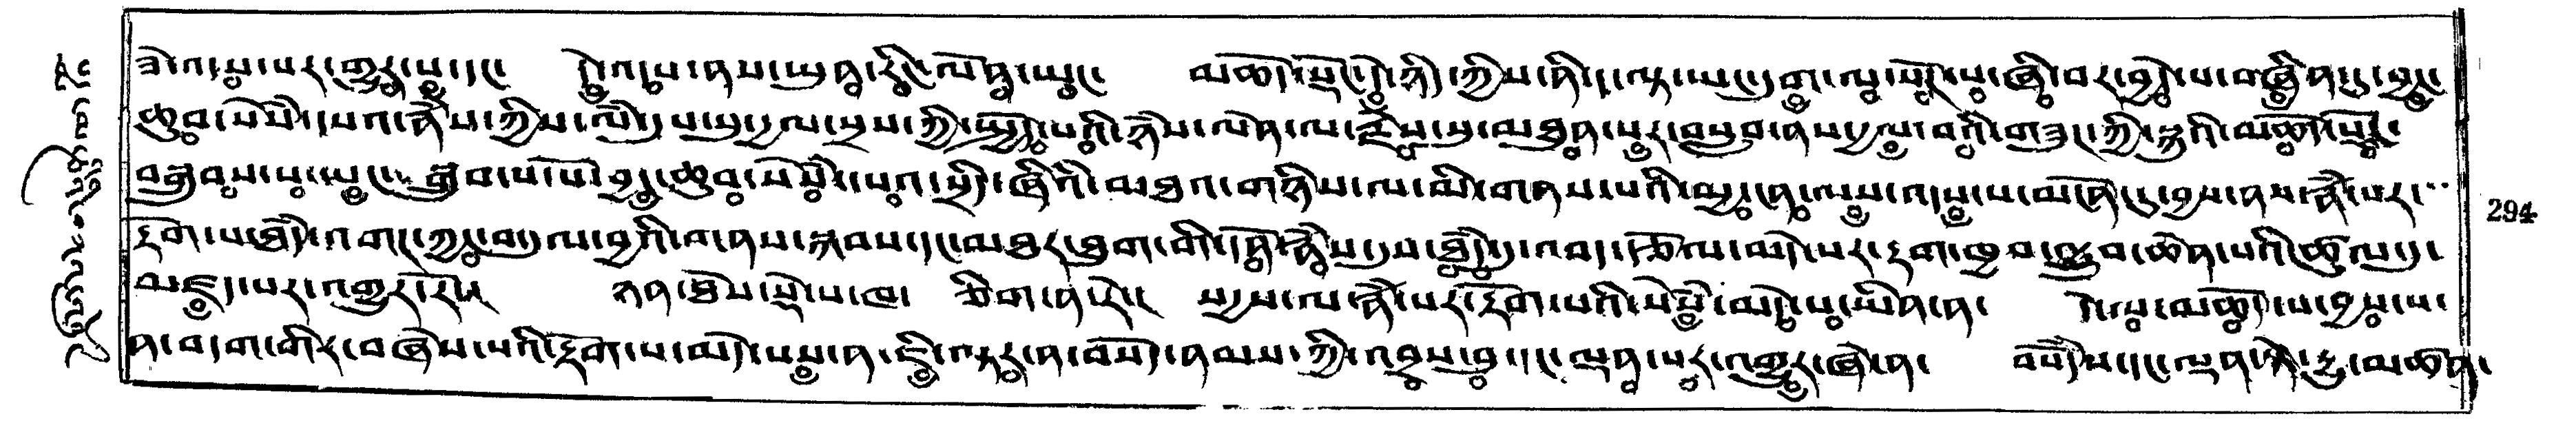ཟེ་འདས་པར་གྱུར་པ་དང་། དེ་འདས་ནས་ཡུན་རིང་ལོན་ཡང་།མཆོད་སྡོང་དེ་ཉིད་ཀྱིས་ནི་ད་ལྟ་ཡང་དུག་ལ་སོགས་པ་ཞི་བར་བྱེད་པ་བཞིན་དུ་བྱང་
ཆུབ་སེམས་དཔའ་རྣམས་ཀྱིས་ལམ་དུས་སུ་རྒྱལ་སྲས་ཀྱི་སྤྱོད་པའི་ཉམས་ལེན་ལ་རྗེས་སུ་མཐུན་པར་བསླབ་ནས་རྒྱལ་བའི་གཟུགས་ཀྱི་སྐུའི་མཆོད་སྡོང་
བསྒྲུབས་པ་ཡང་སྒྲུབ་པ་པོ་བྱང་ཆུབ་སེམས་དཔའ་སྲིད་ཞིའི་མཐའ་གཉིས་ལ་མི་གནས་པའི་མྱ་ངན་ལས་འདས་པ་མངོན་དུ་བྱས་ནས་རྣམ་པར་
རྟོག་པ་ཐམས་ཅད་འགགས་ཀྱང་གདུལ་བྱའི་གནས་སྐབས་དང་མཐར་ཐུག་གི་དོན་རྣམས་དུས་ཐམས་ཅད་དུ་འབད་རྩོལ་མེད་པར་རྟག་ཁྱབ་ལྷུན་གྲུབ་ཆེན་པའི་ཚུལ་དུ་
མཛད་པར་འགྱུར་རོ།། ཉན་ཐོས་སྡེ་པ་ཁ་ཅིག་ན་རེ། སངས་རྒྱས་ལ་རྣམ་པར་རྟོག་པའི་སེམས་མེད་པ་ཡིན་ན། དེ་ལ་མཆོད་པ་བྱས་པ་
ན་བདག་གིར་བཞེས་པའི་རྟོག་པ་མེད་པས་ན་ཇི་ལྟར་ན་བསོད་ནམས་ཀྱི་འབྲས་བུ་དང་ལྡན་པར་འགྱུར་ཞེ་ན། བསོད་ནམས་དང་ལྡན་ཏེ་རྒྱུ་མཚན་